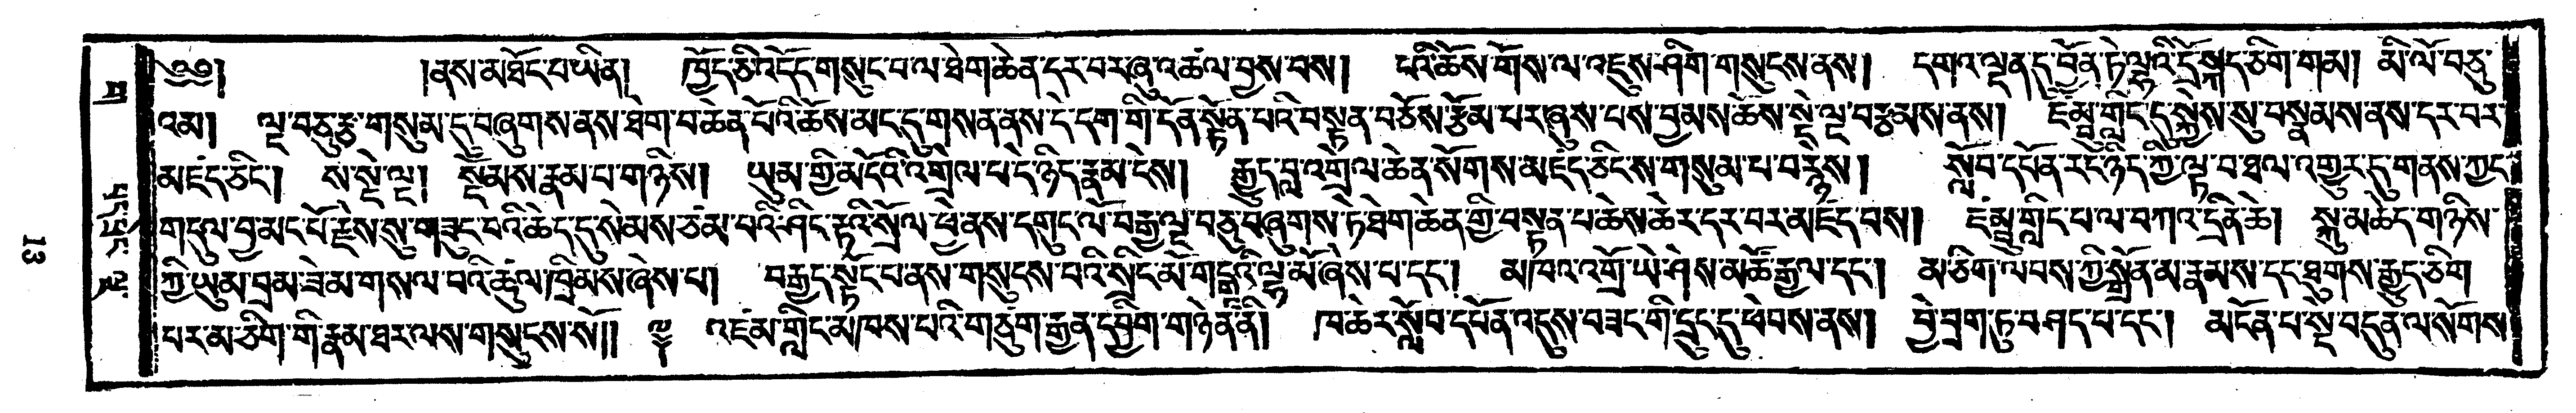༄༅། །ནས་མཐོང་བ་ཡིན། ཁྱོད་ཅི་འདོད་གསུང་བ་ལ་ཐེག་ཆེན་དར་བར་ཞུ་འཚལ་བྱས་བས། པའི་ཆོས་གོས་ལ་འཇུས་ཤིག་གསུངས་ནས། དགའ་ལྡན་དུ་བྱོན་ཏེ་ལྷའི་དྲོ་སྐད་ཅིག་གམ། མི་ལོ་བཅུ་
འམ། ལྔ་བཅུ་རྩ་གསུམ་དུ་བཞུགས་ནས་ཐེག་པ་ཆེན་པོའི་ཆོས་མང་དུ་གསན་ནས་དེ་དག་གི་དོན་སྟོན་པའི་བསྟན་བཅོས་རྩོམ་པར་ཞུས་པས་བྱམས་ཆོས་སྡེ་ལྔ་བརྩམས་ནས། ཛམ་བུ་གླིང་དུ་སྐྱེས་སུ་བསྣམས་ནས་དར་བར་
མཛད་ཅིང་། ས་སྡེ་ལྔ། སྡོམས་རྣམ་པ་གཉིས། ཡུམ་གྱི་མདོའི་འགྲེལ་པ་དེ་ཉིད་རྣམ་ངེས། རྒྱུད་བླ་འགྲེལ་ཆེན་སོགས་མཛད་ཅིང་ས་གསུམ་པ་བརྙེས། སློབ་དཔོན་རང་ཉིད་ཀྱི་ལྟ་བ་ཐལ་འགྱུར་དུ་གནས་ཀྱང་
གདུལ་བྱ་མང་པོ་རྗེས་སུ་གཟུང་བའི་ཆེད་དུ་སེམས་ཙམ་བའི་ཤིང་རྟའི་སྲོལ་ཕྱེ་ནས་དགུང་ལོ་བརྒྱ་ལྔ་བཅུ་བཞུགས་ཏེ་ཐེག་ཆེན་གྱི་བསྟན་པ་ཆེས་ཆེར་དར་བར་མཛད་བས། ཛམ་བུ་གླིང་པ་ལ་བཀའ་དྲིན་ཆེ། སྐུ་མཆེད་གཉིས་
ཀྱི་ཡུམ་བྲམ་ཟེ་མ་གསལ་བའི་ཚུལ་ཁྲིམས་ཞེས་པ། བརྒྱད་སྟོང་པ་ནས་གསུངས་པའི་སྲིང་མོ་གངྒའི་ལྷ་མོ་ཞེས་པ་དང་། མཁའ་འགྲོ་ཡེ་ཤེས་མཚོ་རྒྱལ་དང་། མ་ཅིག་ལབས་ཀྱི་སྒྲོན་མ་རྣམས་དང་ཐུགས་རྒྱུད་ཅིག་
པར་མ་ཅིག་གི་རྣམ་ཐར་ལས་གསུངས་སོ།། ༈ འཛམ་གླིང་མཁས་པའི་གཙུག་རྒྱན་དབྱིག་གཉེན་ནི། ཁ་ཆེར་སློབ་དཔོན་འདུས་བཟང་གི་དྲུང་དུ་ཕེབས་ནས། བྱེ་བྲག་ཏུ་བཤད་པ་དང་། མངོན་པ་སྡེ་བདུན་ལ་སོགས་